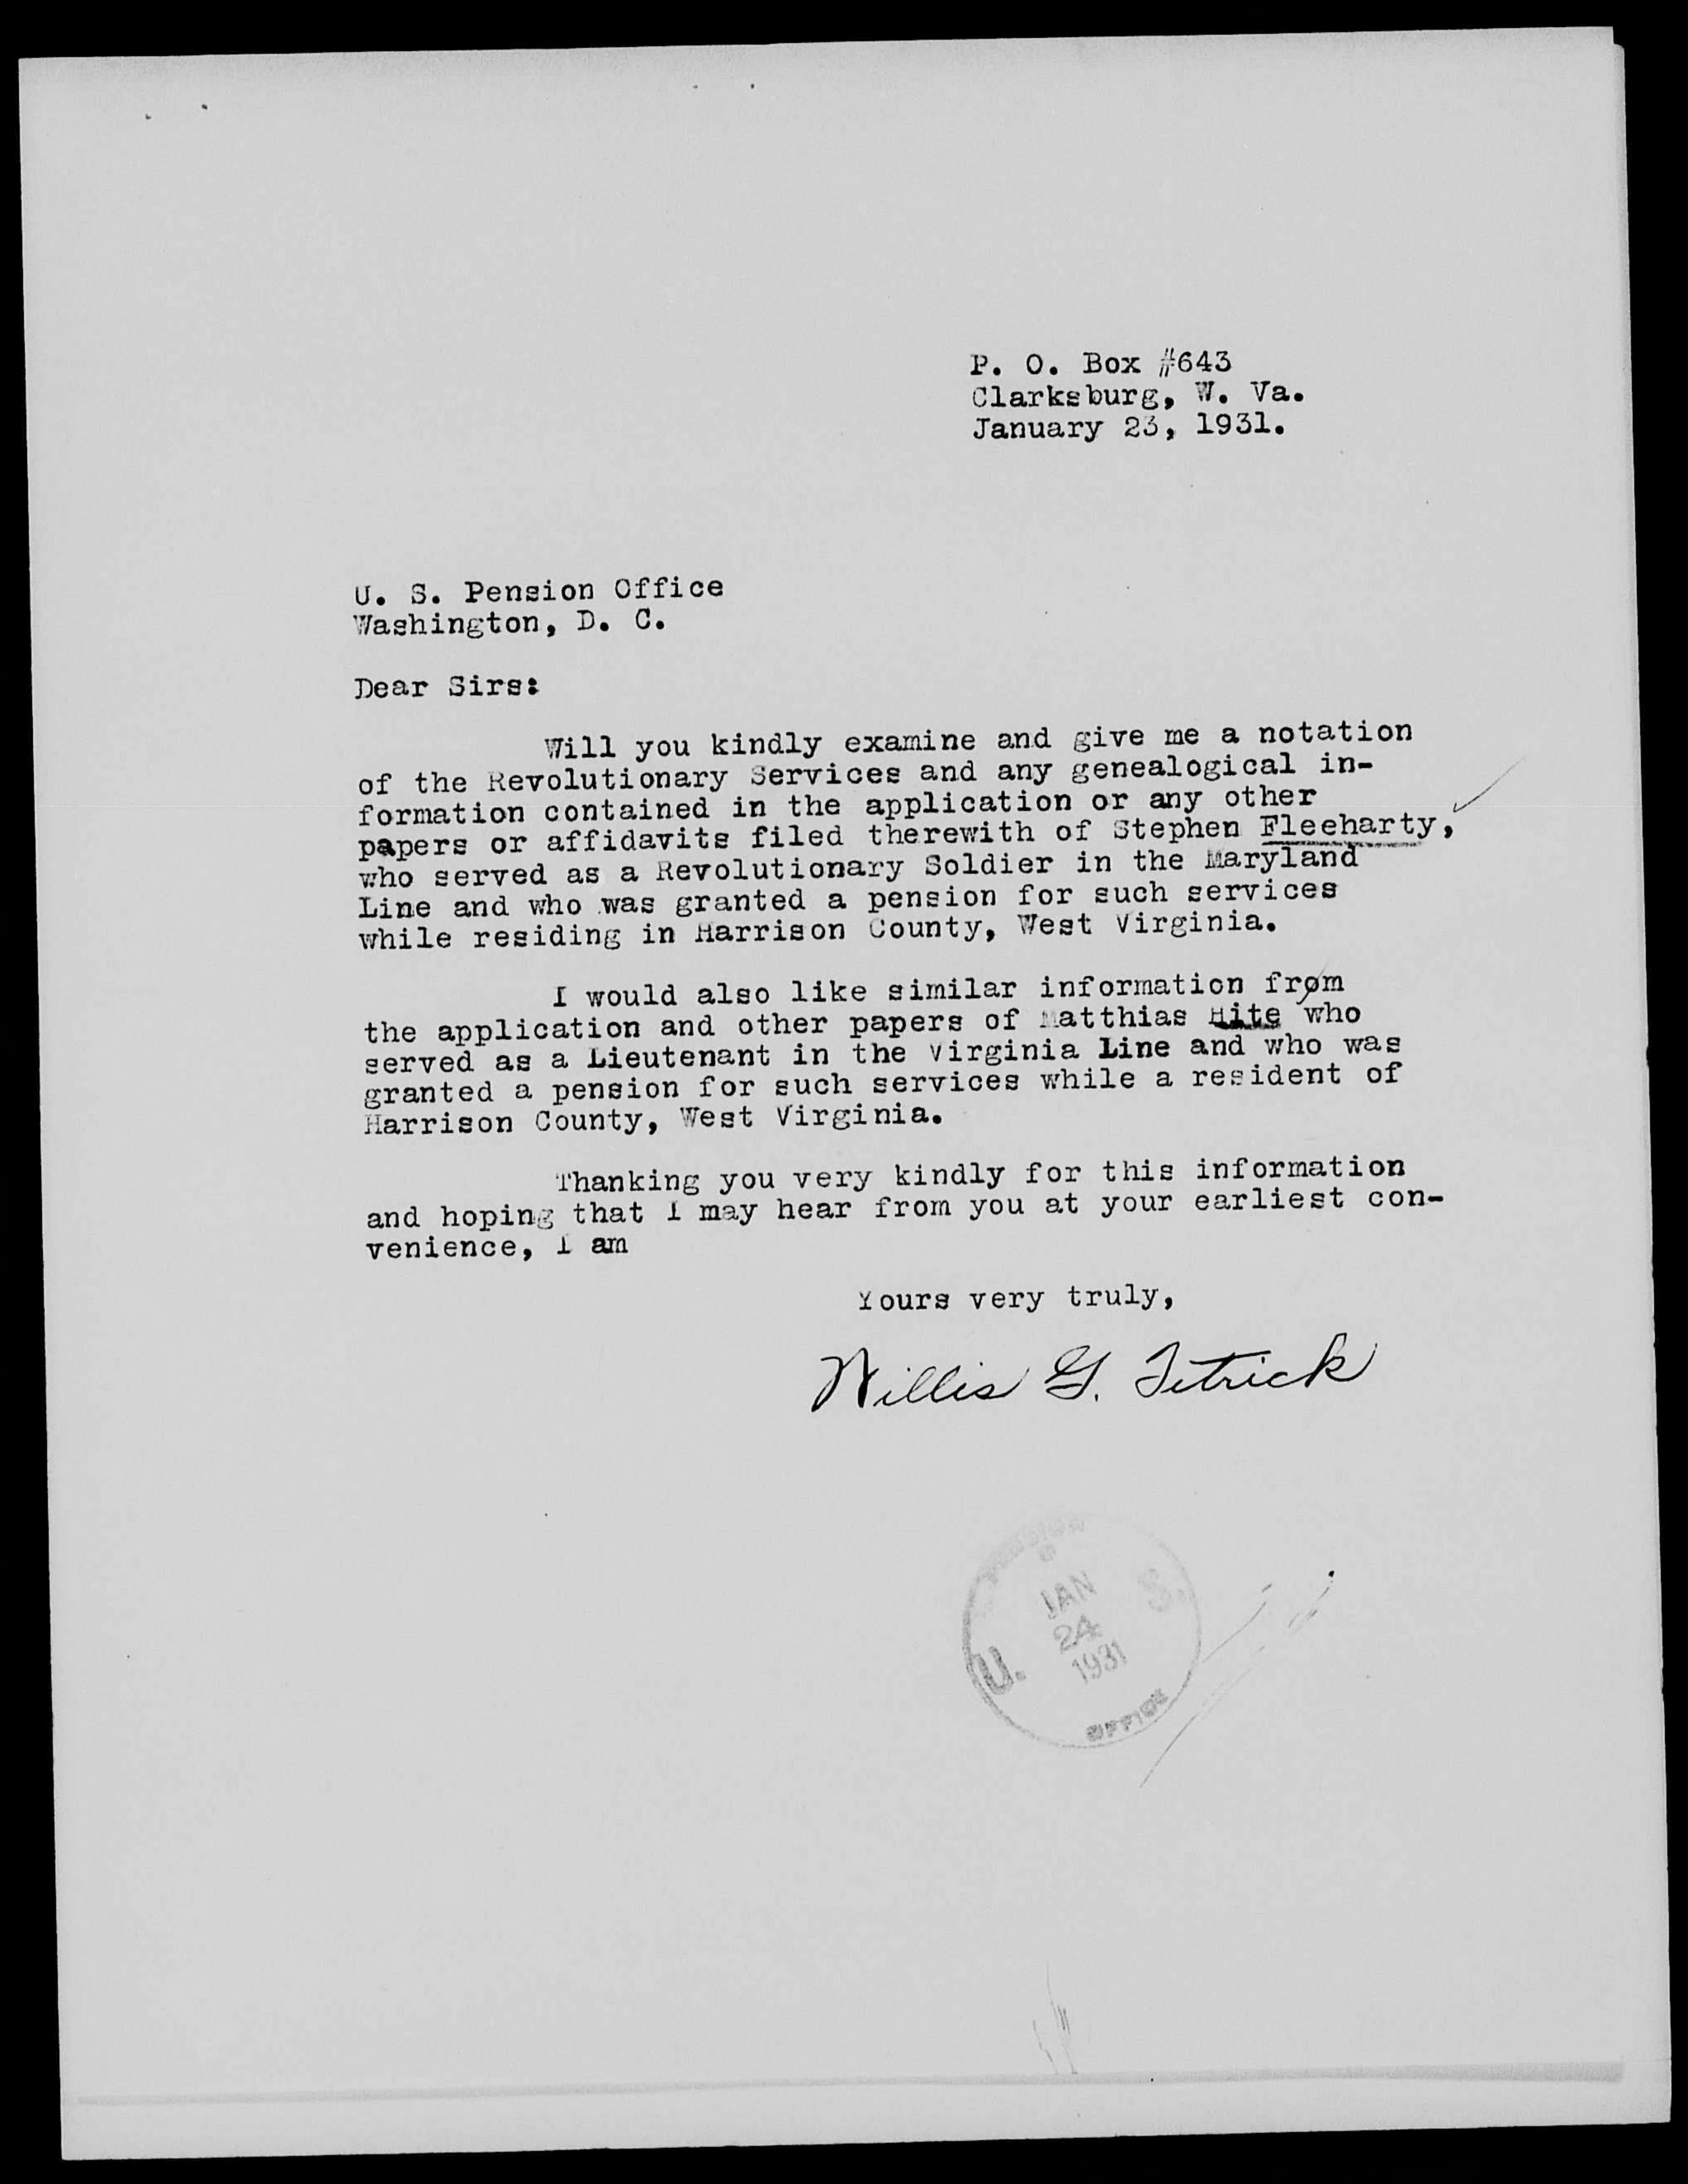P. O. Box #643 
Clarksburg, W. Va. 
January 23m 1931. 

U. S. Pension Office 
Washington, D. C. 

Dear Sirs: 

Will you kindly examine and give me a notation of the Revolutionary Services and any genealogical information contained in the application or any other papers or affidavits filed therewith of Stephen Fleeharty, who served as a Revolutionary Soldier in the Maryland Line and who was granted a pension for such services while residing in Harrison County, West Virginia. 

I would also like similar information from the application and other papers of Matthias Hite who served as a Lieutenant in the Virginia Line and who was granted a pension for such services while a resident of Harrison County, West Virginia. 

Thanking you very kingly for this information and hoping that I may hear from you at your earliest convenience, I am 

Yours very truly, 
Willis G. Fetrick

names: Matthias Hite, Willis G Fetrick, Stephen Fleeharty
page: 13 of 14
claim: survivor's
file: S. 39529, Stephen Fleeharty, Md.